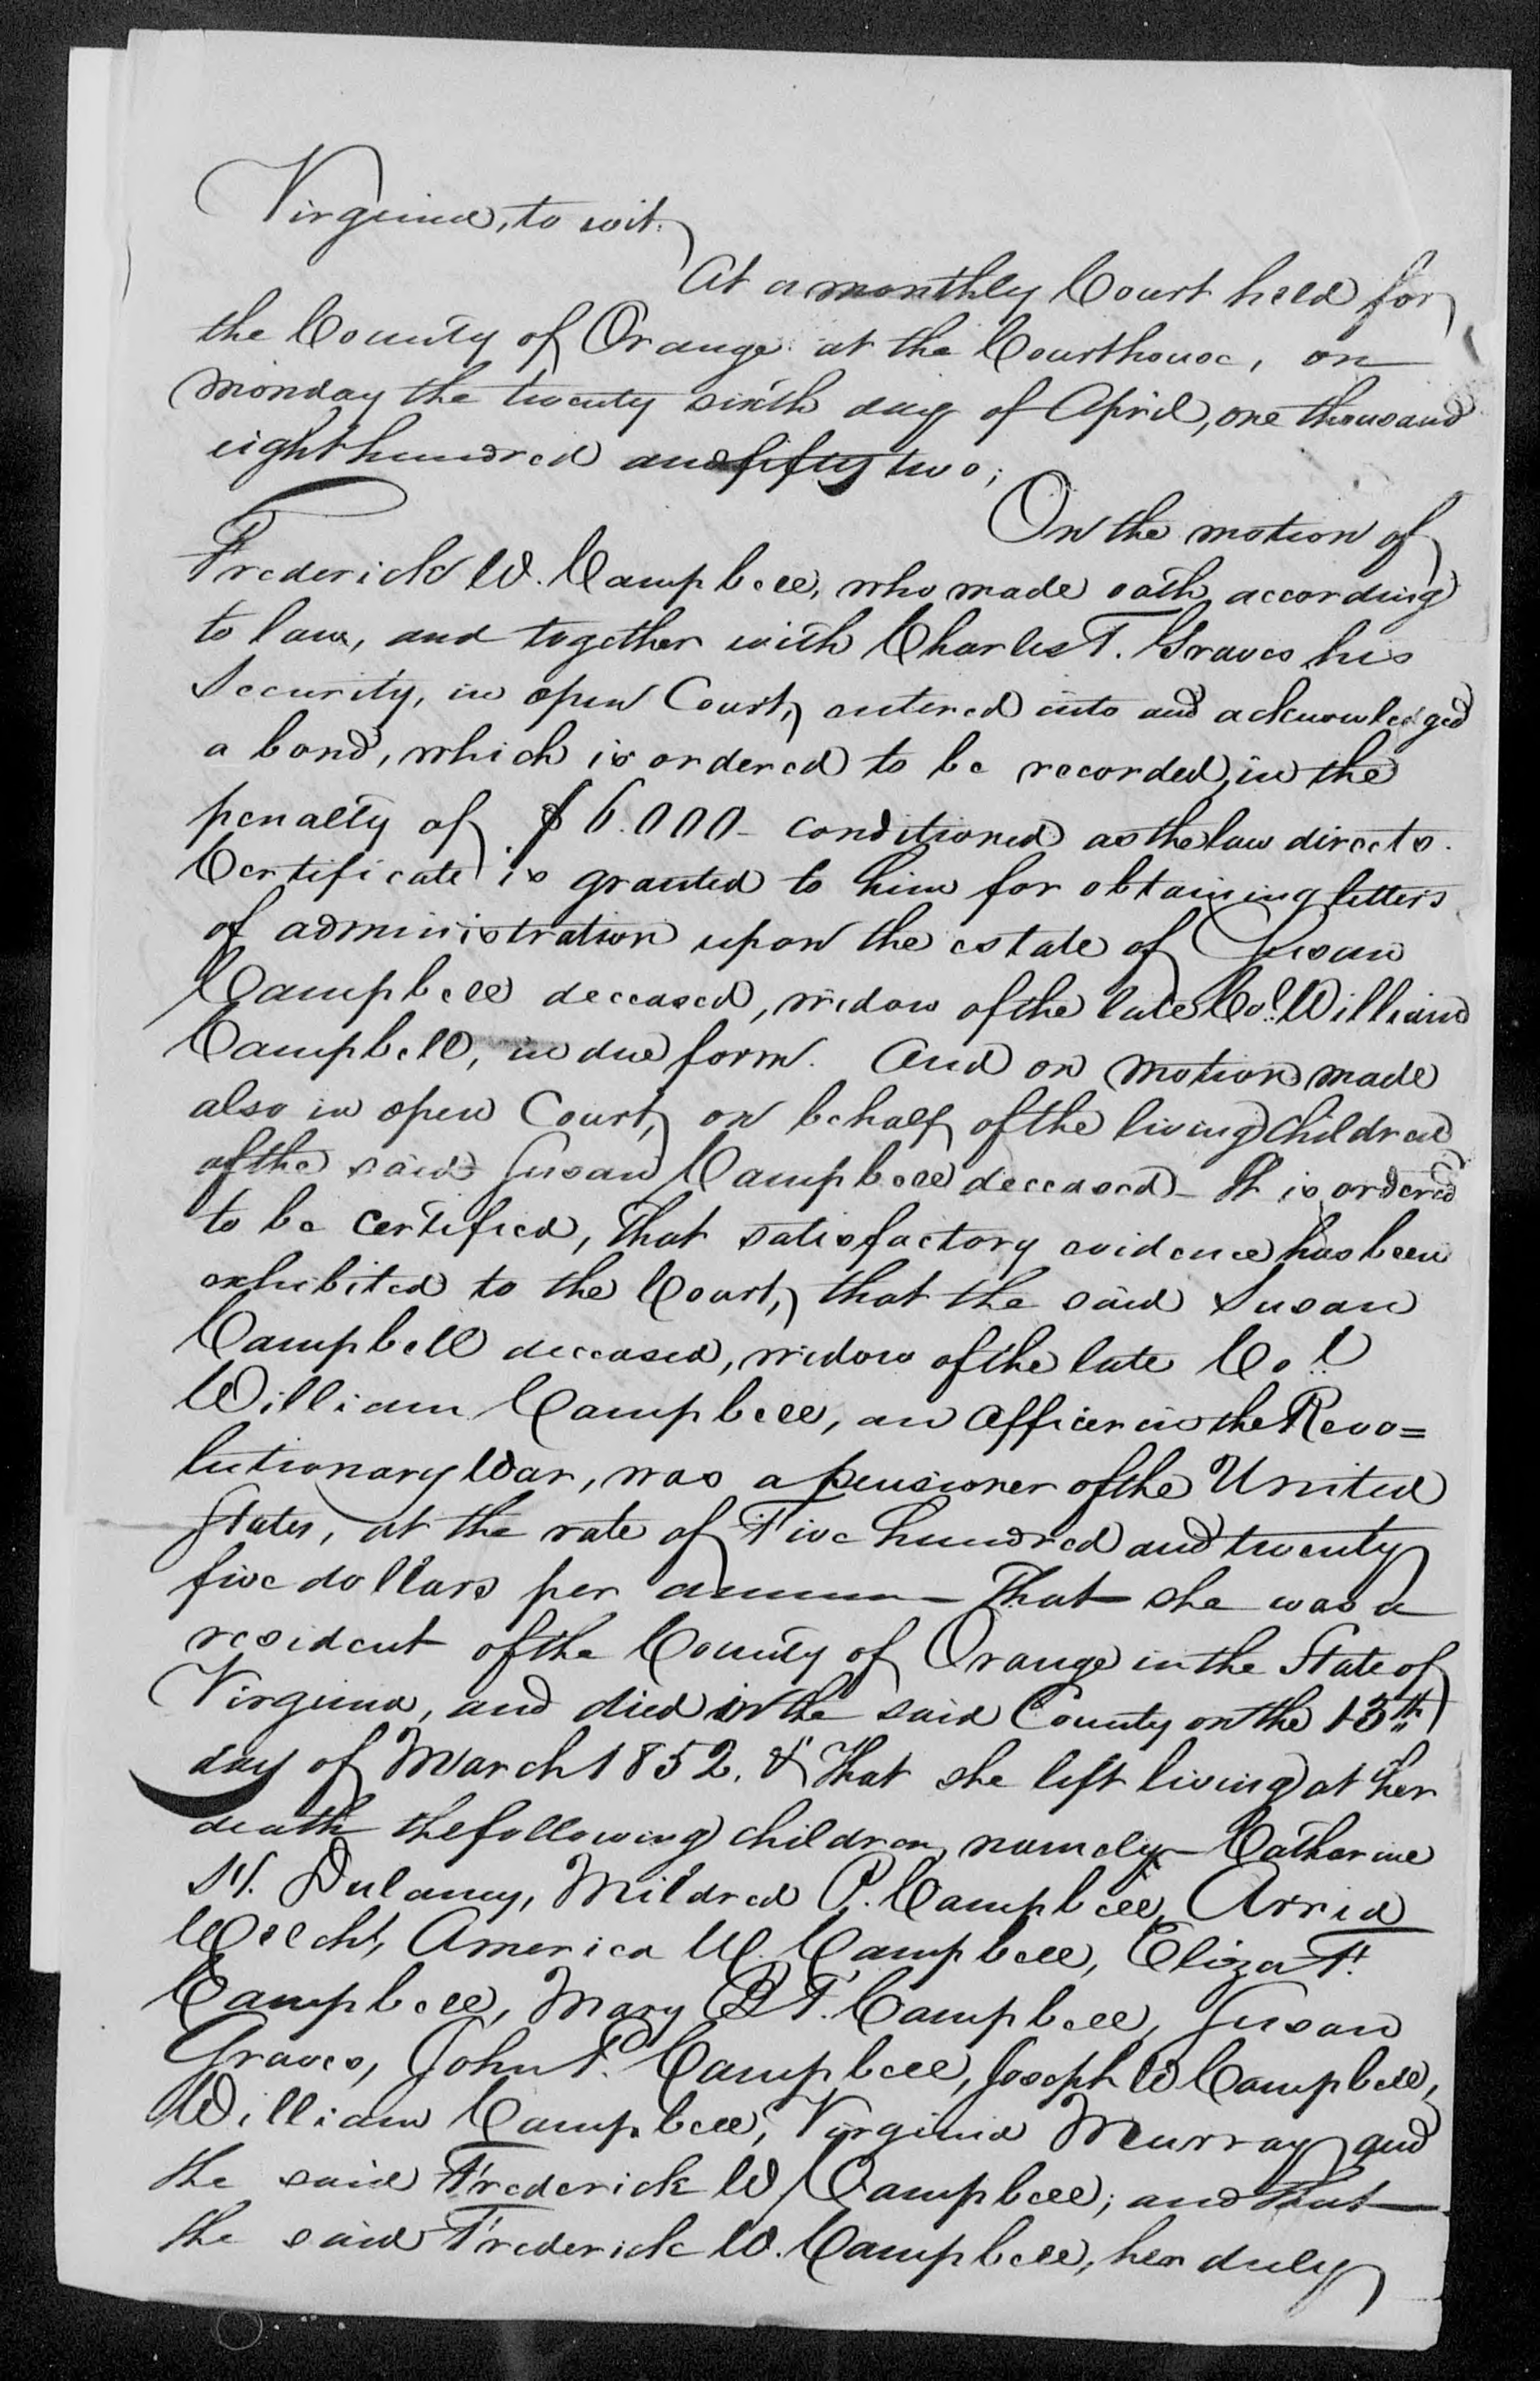Virginia, to wit.
At a monthly Court held for the County of Orange at the Courthouse, on Monday the twenty sixth day of April, one thousand eight hundred and fifty two,
On the motion of Frederick W. Campbell, who made oath according to law, and together with Charles T. Graves his Security, in open Court, entered into and acknowledged a bond, which is ordered to be recorded, in the penalty of $6000 conditioned as the Law directs. Certificate is granted to him for obtaining letters, of administration upon the estate of Susan Campbell deceased, widow of the late Col. William Campbell, in due form. And on motion made also in open Court, on behalf of the living children of the said Susan Campbell deceased__ It is ordered to be certified, that satisfactory evidence has been exhibited to the Court, that the said Susan Campbell deceased, widow of the late Col.. William Campbell, an Officer in the Revolutionary War, was a pensioner of the United States, at the rate of Five hundred and twenty five dollars per annum __  That she was a resident of the County of Orange in the State of Virginia, and died in the said County on the 13th day of March 1852. +[and] That she left living at her death the following children, namely Catharine H. Dulaney, Mildred P. Campbell, Arria Welch, America W. Campbell, Eliza F. Campbell, Mary B.T. Campbell, Susan Graves, John P. Campbell, Joseph W. Campbell, William Campbell, Virginia Murray and the said Frederick W. Campbell; and that the said Frederick W. Campbell, her duly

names: Frederick W Campbell, Susan Graves, Joseph W Campbell, Frederick W Campbell, Charles T Graves, William Campbell, John P Campbell, Virginia Murray, Catharine H Dulaney, Susan Campbell, Susan Campbell, Susan Campbell, William Campbell, Eliza F Campbell, America W Campbell, Mildred P Campbell, Mary B T Campbell, Frederick W Campbell, William Campbell, Arria Welch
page: 77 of 267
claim: widow's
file: W. 4,149, William Campbell, Va.